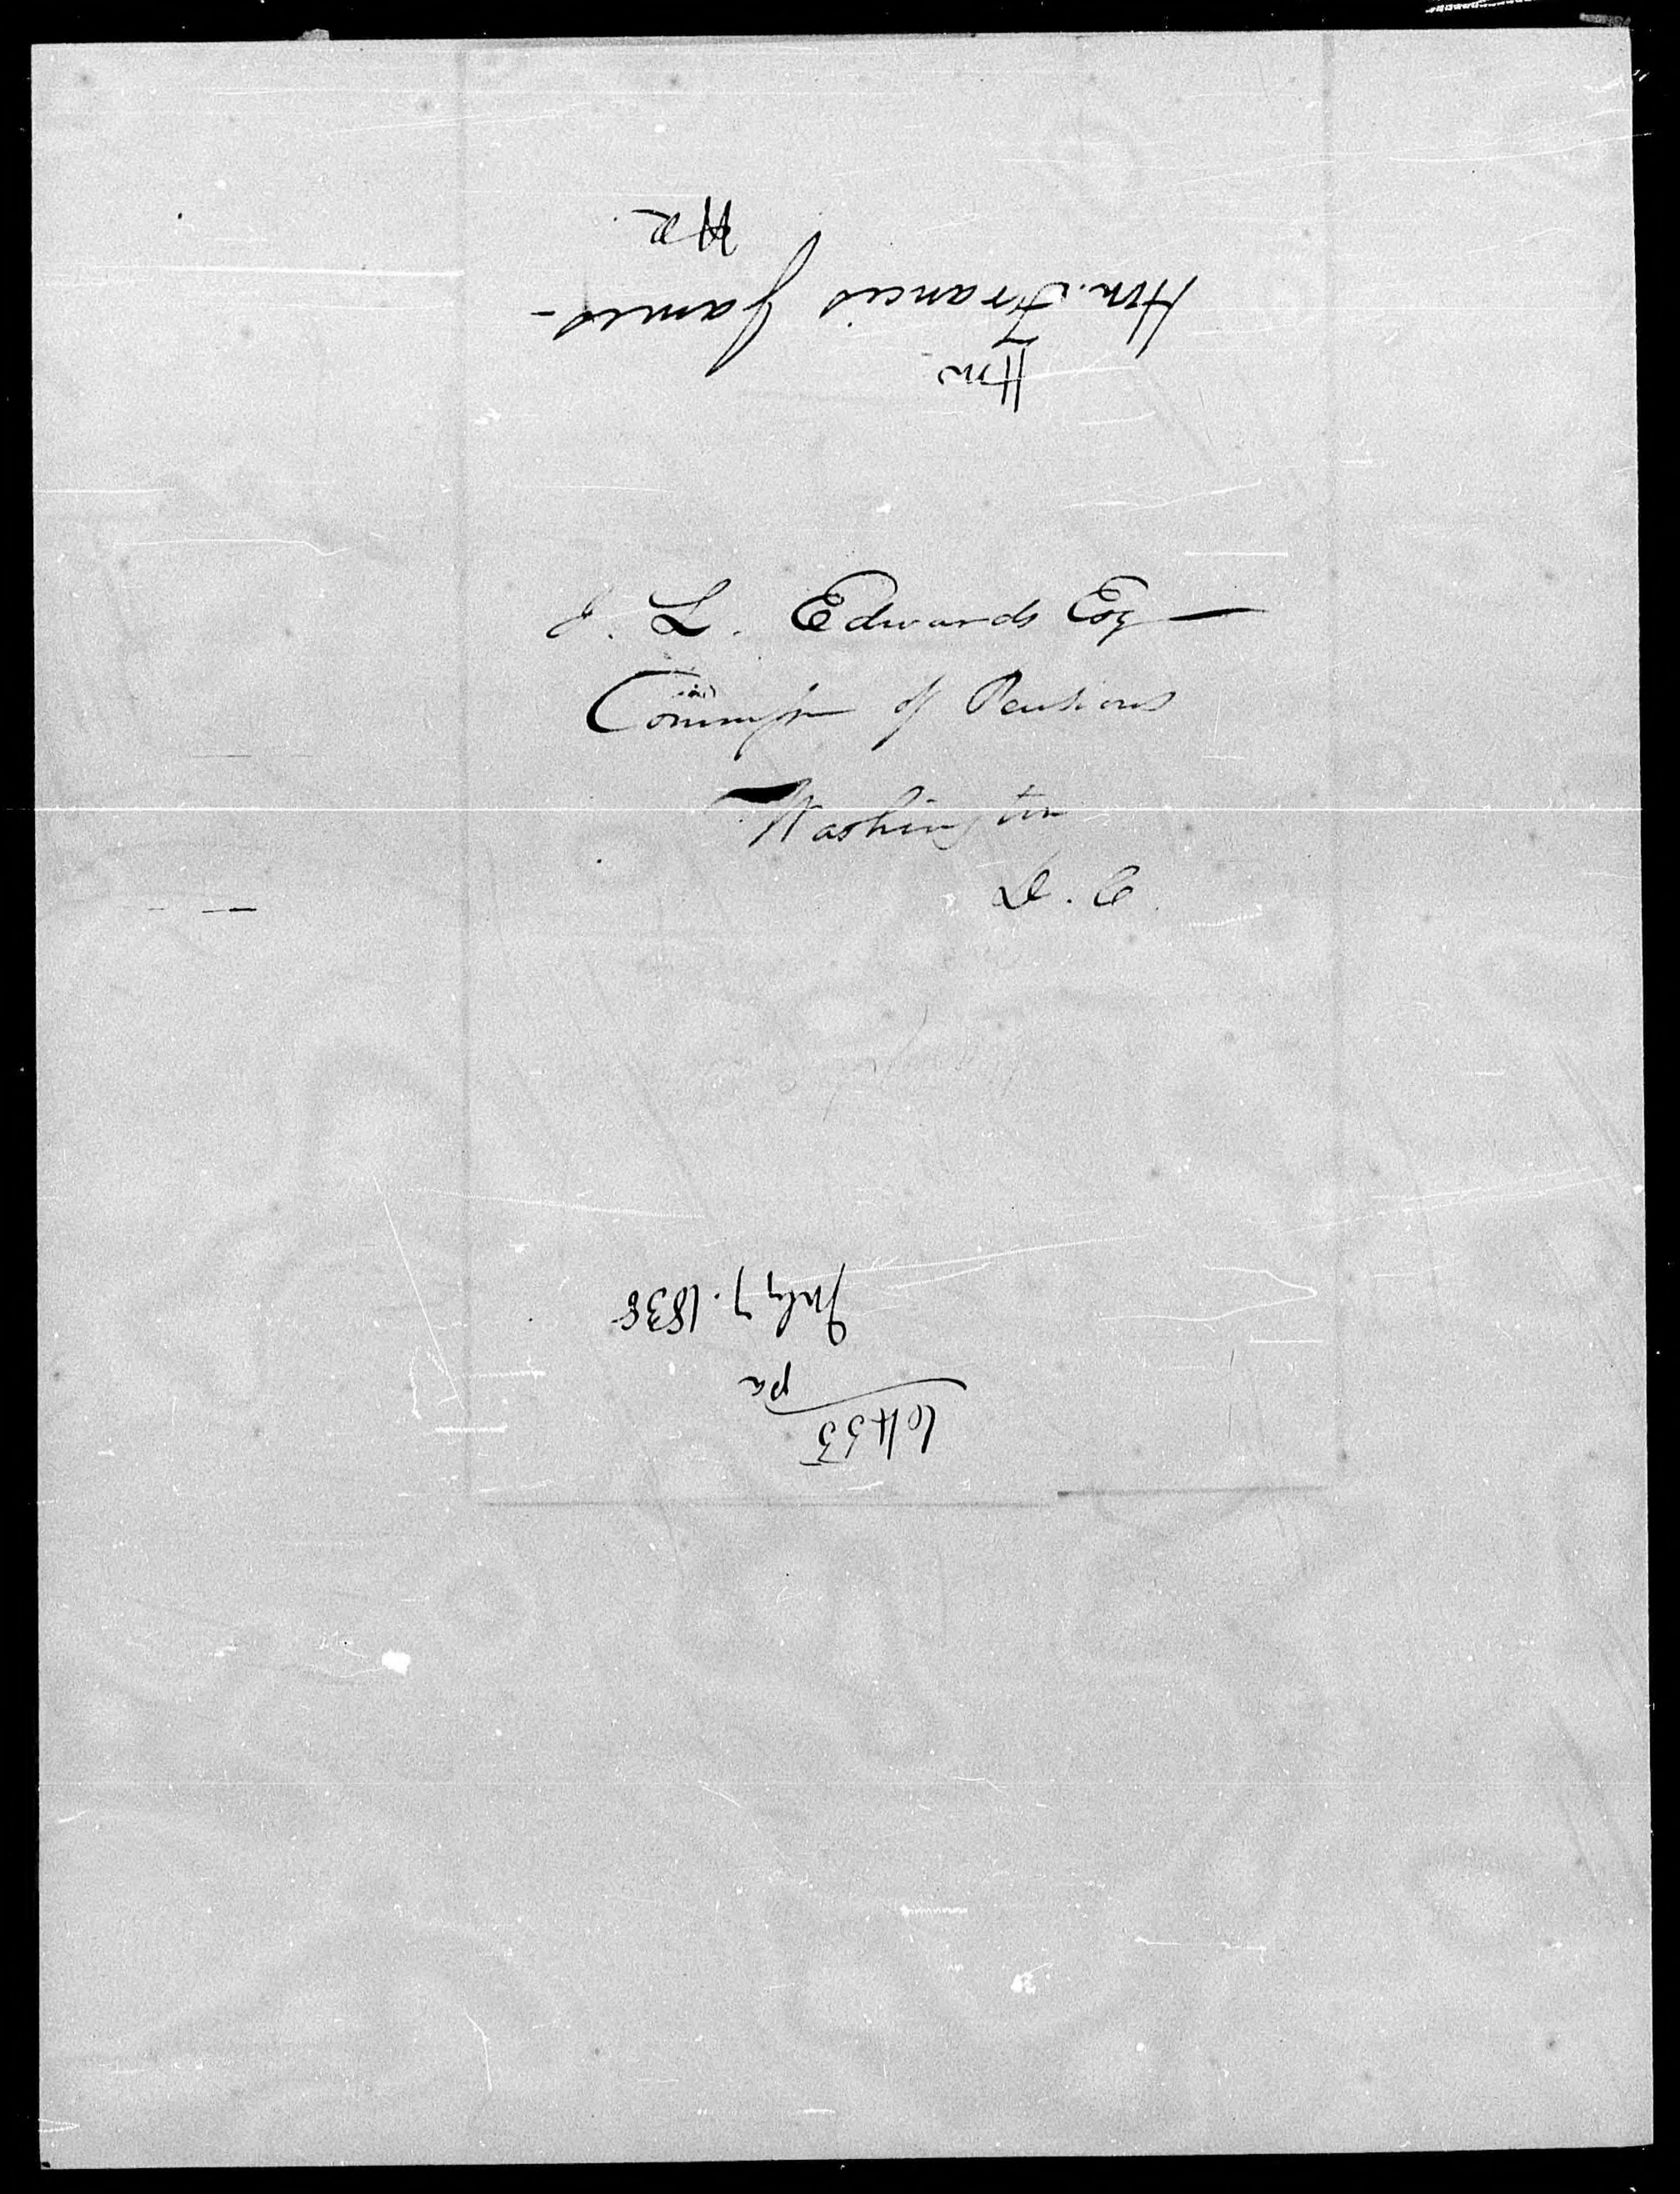[same as previous, only inverted]

[inverted] Hm
Francis James
HR. [/inverted]

L. Edwards,
Commsn[?] of Pens.
Washington
DC.

[inverted] 6455
Pa
July 7. 1838 [/inverted]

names: J L Edwards; Francis James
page: 32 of 63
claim: widow's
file: W 2957, for Thomas Mc Dowell, Maryland